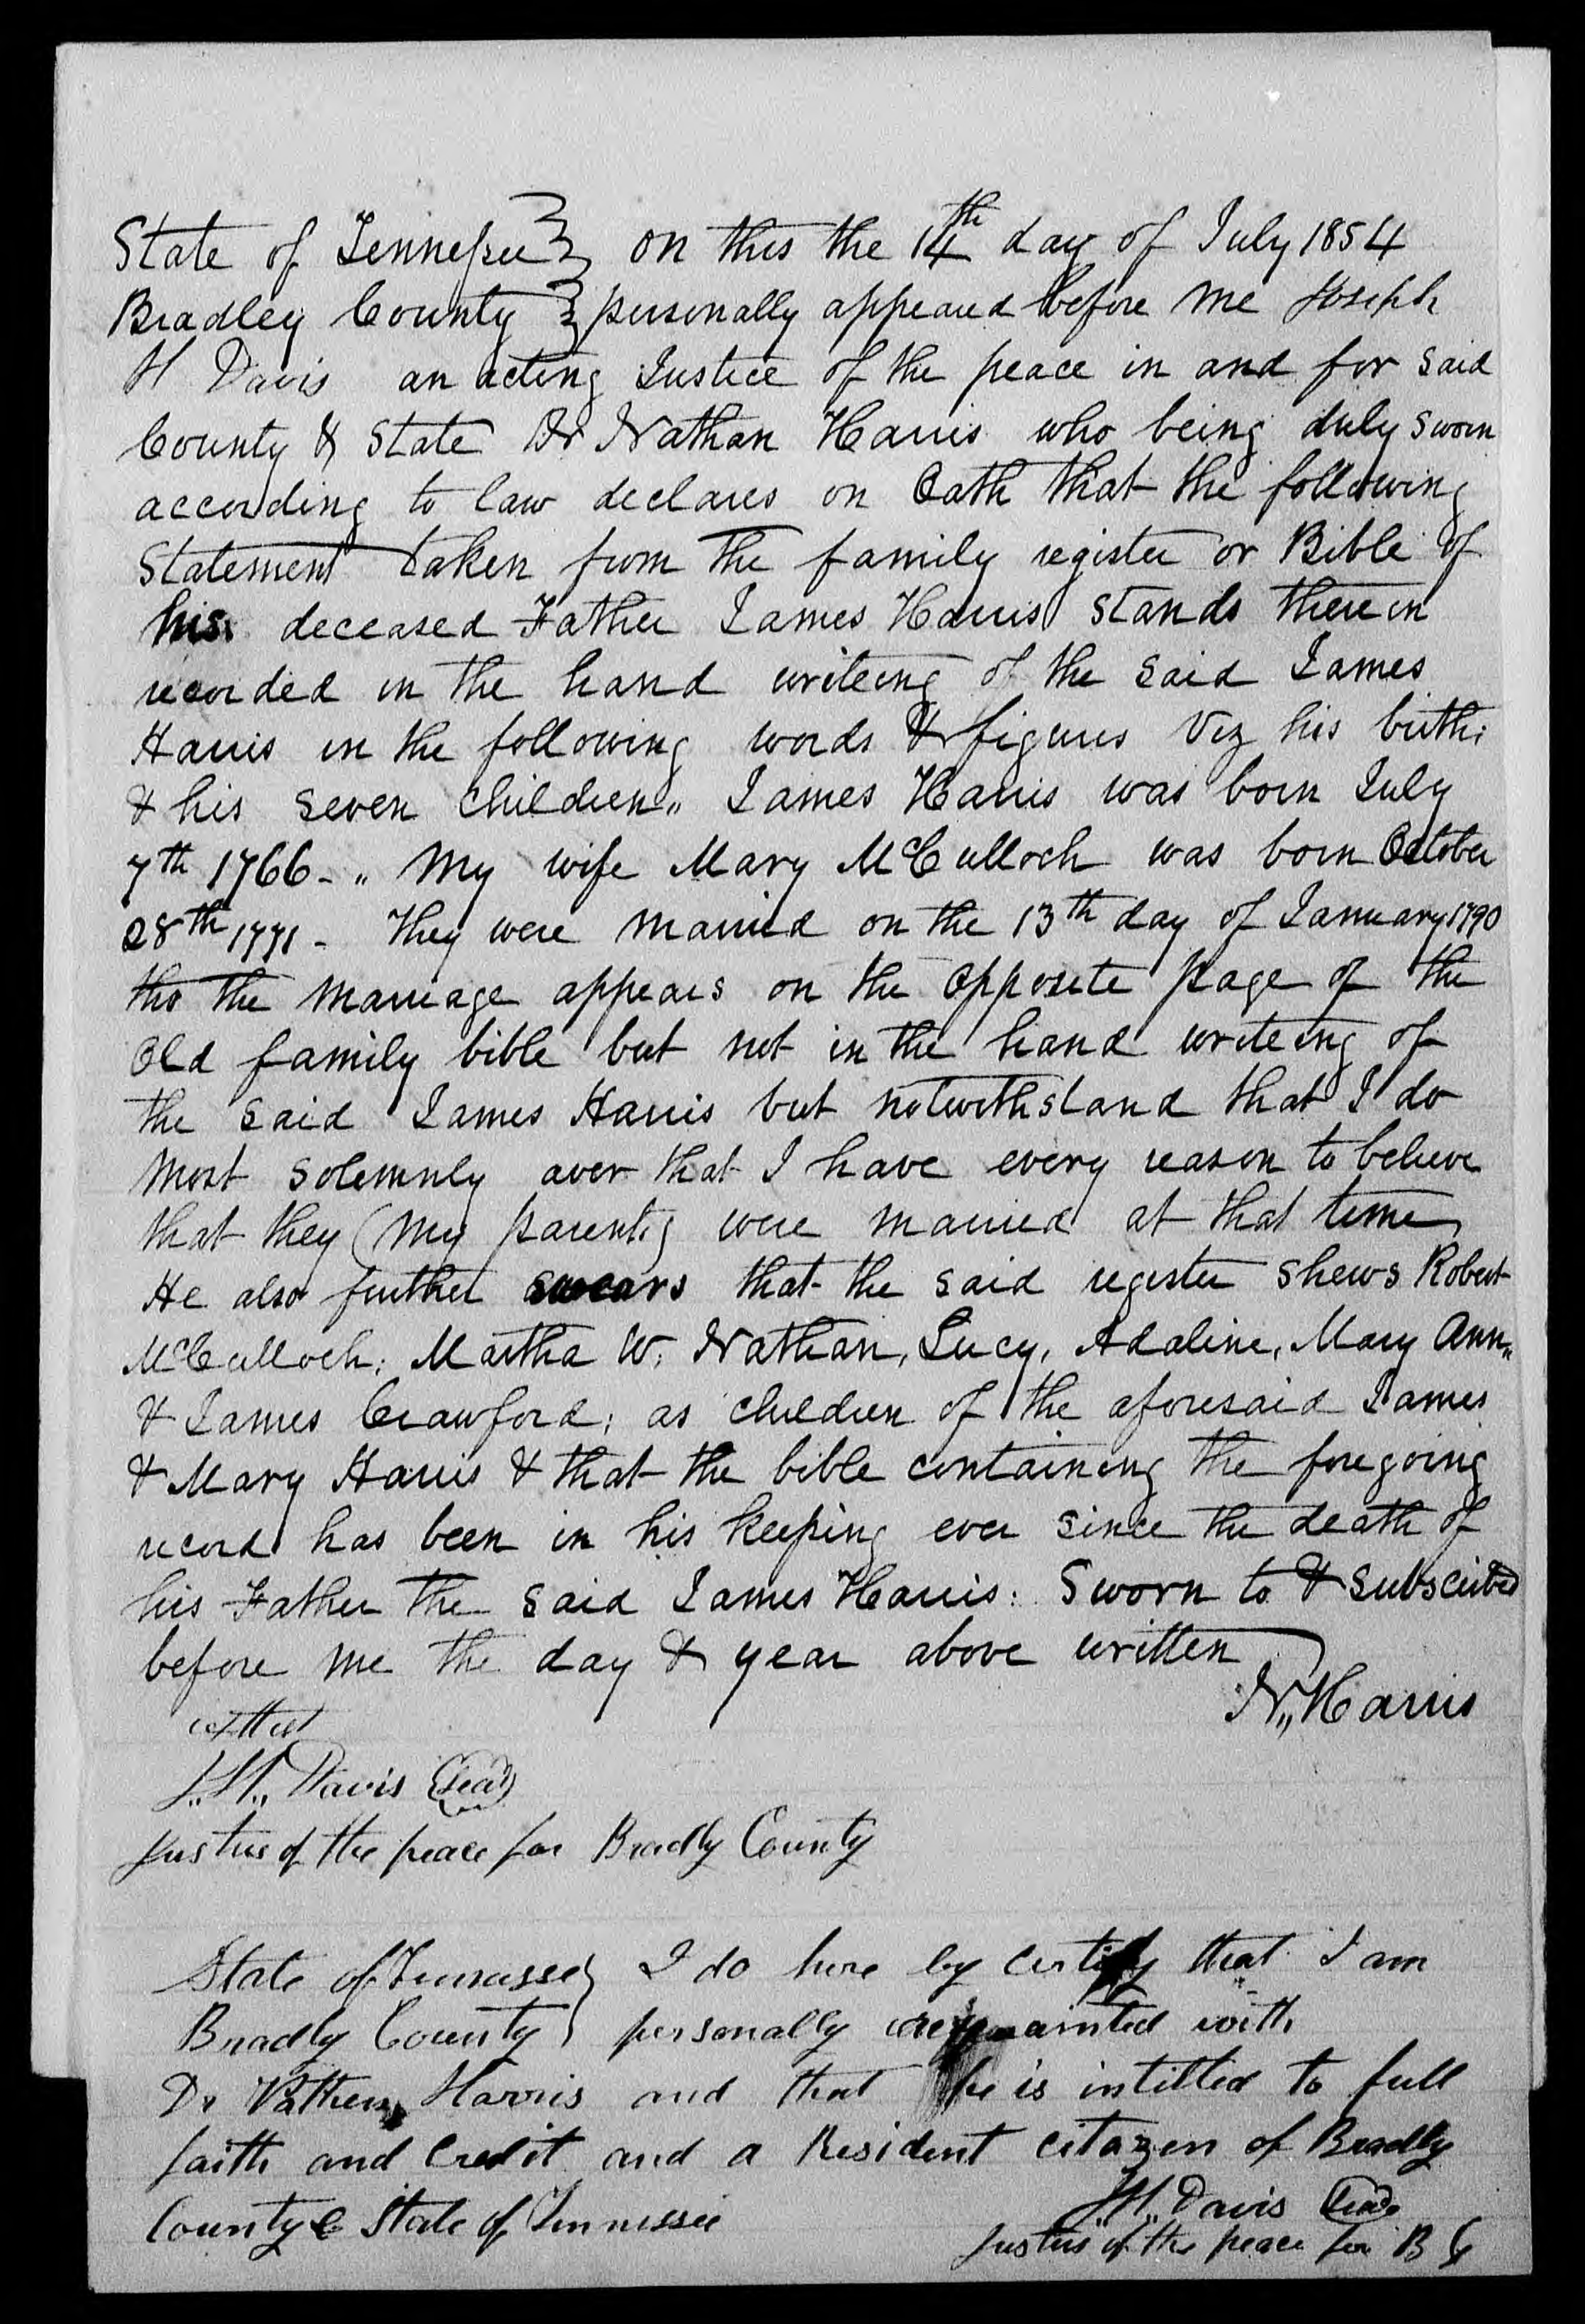State of Tennessee}
Bradley County     }

On this the 14th day of July 1854 personally appeared before me Joseph H. Harris an acting Justice of the peace in and for said County & State Dr. Nathan Harris who being duly sworn according to law declares on oath that the following statement taken from the family register of Bible of his deceased Father, James Harris, stands therein recorded in the hand writing of the said James Harris in the following words & figures viz: his birth & his seven children.  James Harris was born July 7th 1766.  My wife Mary McCulloch was born October 28th 1771.  They were married on the 13th day of January 1790 tho the marriage appears on the opposite page of the old family bible but not in the hand writing of the said James Harris but notwithstand [sic] that I do most solemnly aver that I have every reason to believe that they (my parents) were married at the time.  He also further swears that the said register shews Robert McCulloch, Martha W, Nathan, Lucy, Adaline, Mary Ann, & James Crawford as children of the aforesaid James & Mary Harris & that the bible containing the foregoing record has been in his keeping ever since the death of his Father the said James Harris.  Sworn to & subscribed before me the day & year above written.
N. Harris

attest
J. H. davis {seal}
Justice of the peace for Bradly County

State of Tennessee}
Bradly County       }

I do here by certify that I am personally acquainted with Dr. Nathan Harris and that he is intitled [sic] to full faith and credit and a resident citizen of Bradly County & State of Tennessee.

J. H. Davis {seal}
Justice of the peace for B. C.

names: James Crawford, Mary Ann Crawford, James Harris, James Harris, Pathers Harris, James Harris, James Harris, Mary Mc Culloch, James Harris, Joseph H Davis, Lucy Crawford, Mary Harris, J H Davis, J H Davis, James Harris, N Harris, Nathan Harris, Robert Mc Culloch, Adaline Crawford, Martha W Crawford, Nathan Crawford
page: 111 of 160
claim: rejected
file: R. 4666, James Harris, Va.